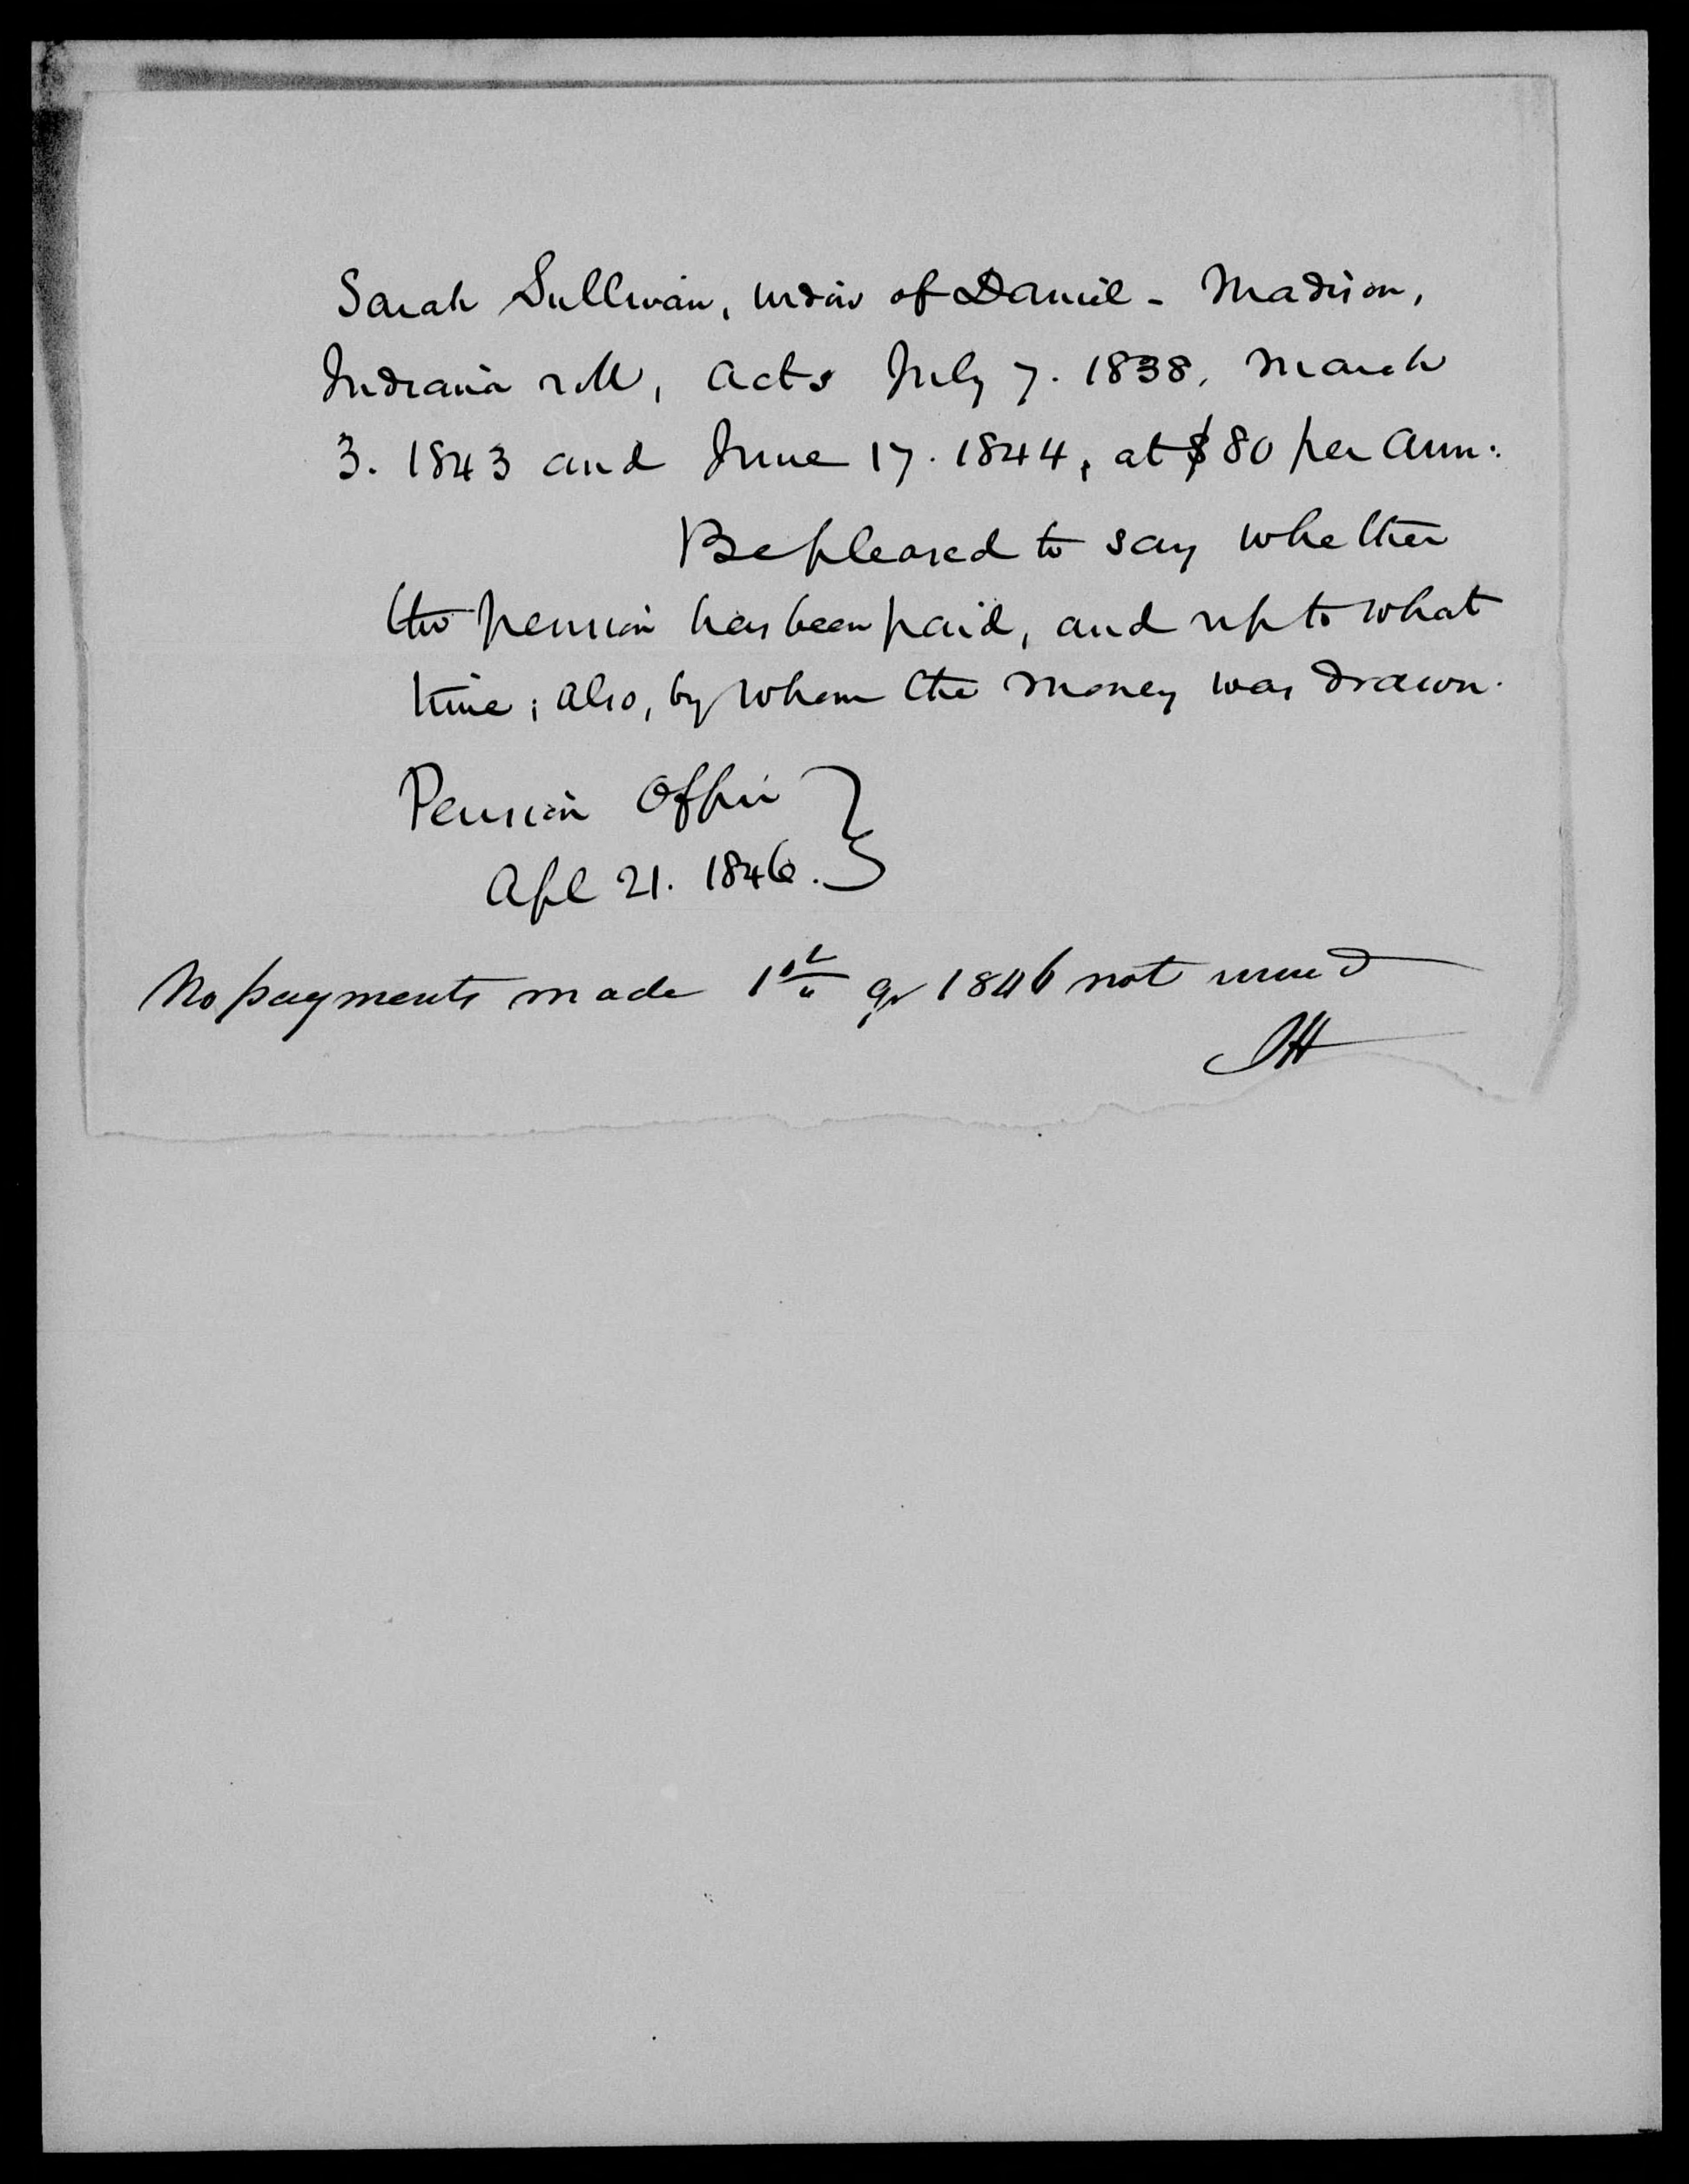Sarah Sullivan, widow of Daniel - Madison, Indiana roll, acts July 7, 1838, arch 3, 1843 and June 17, 1844, at $80 per ann.

Be pleased to say whether this pension has been paid, and up to what time; also, by whom the money was drawn.

Pension Office
Apl 21, 1846.

No payments made 1st gr 1846 not served
JH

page: 42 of 78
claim: widow's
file: W. 25,169, for Daniel Sullivan, Maryland